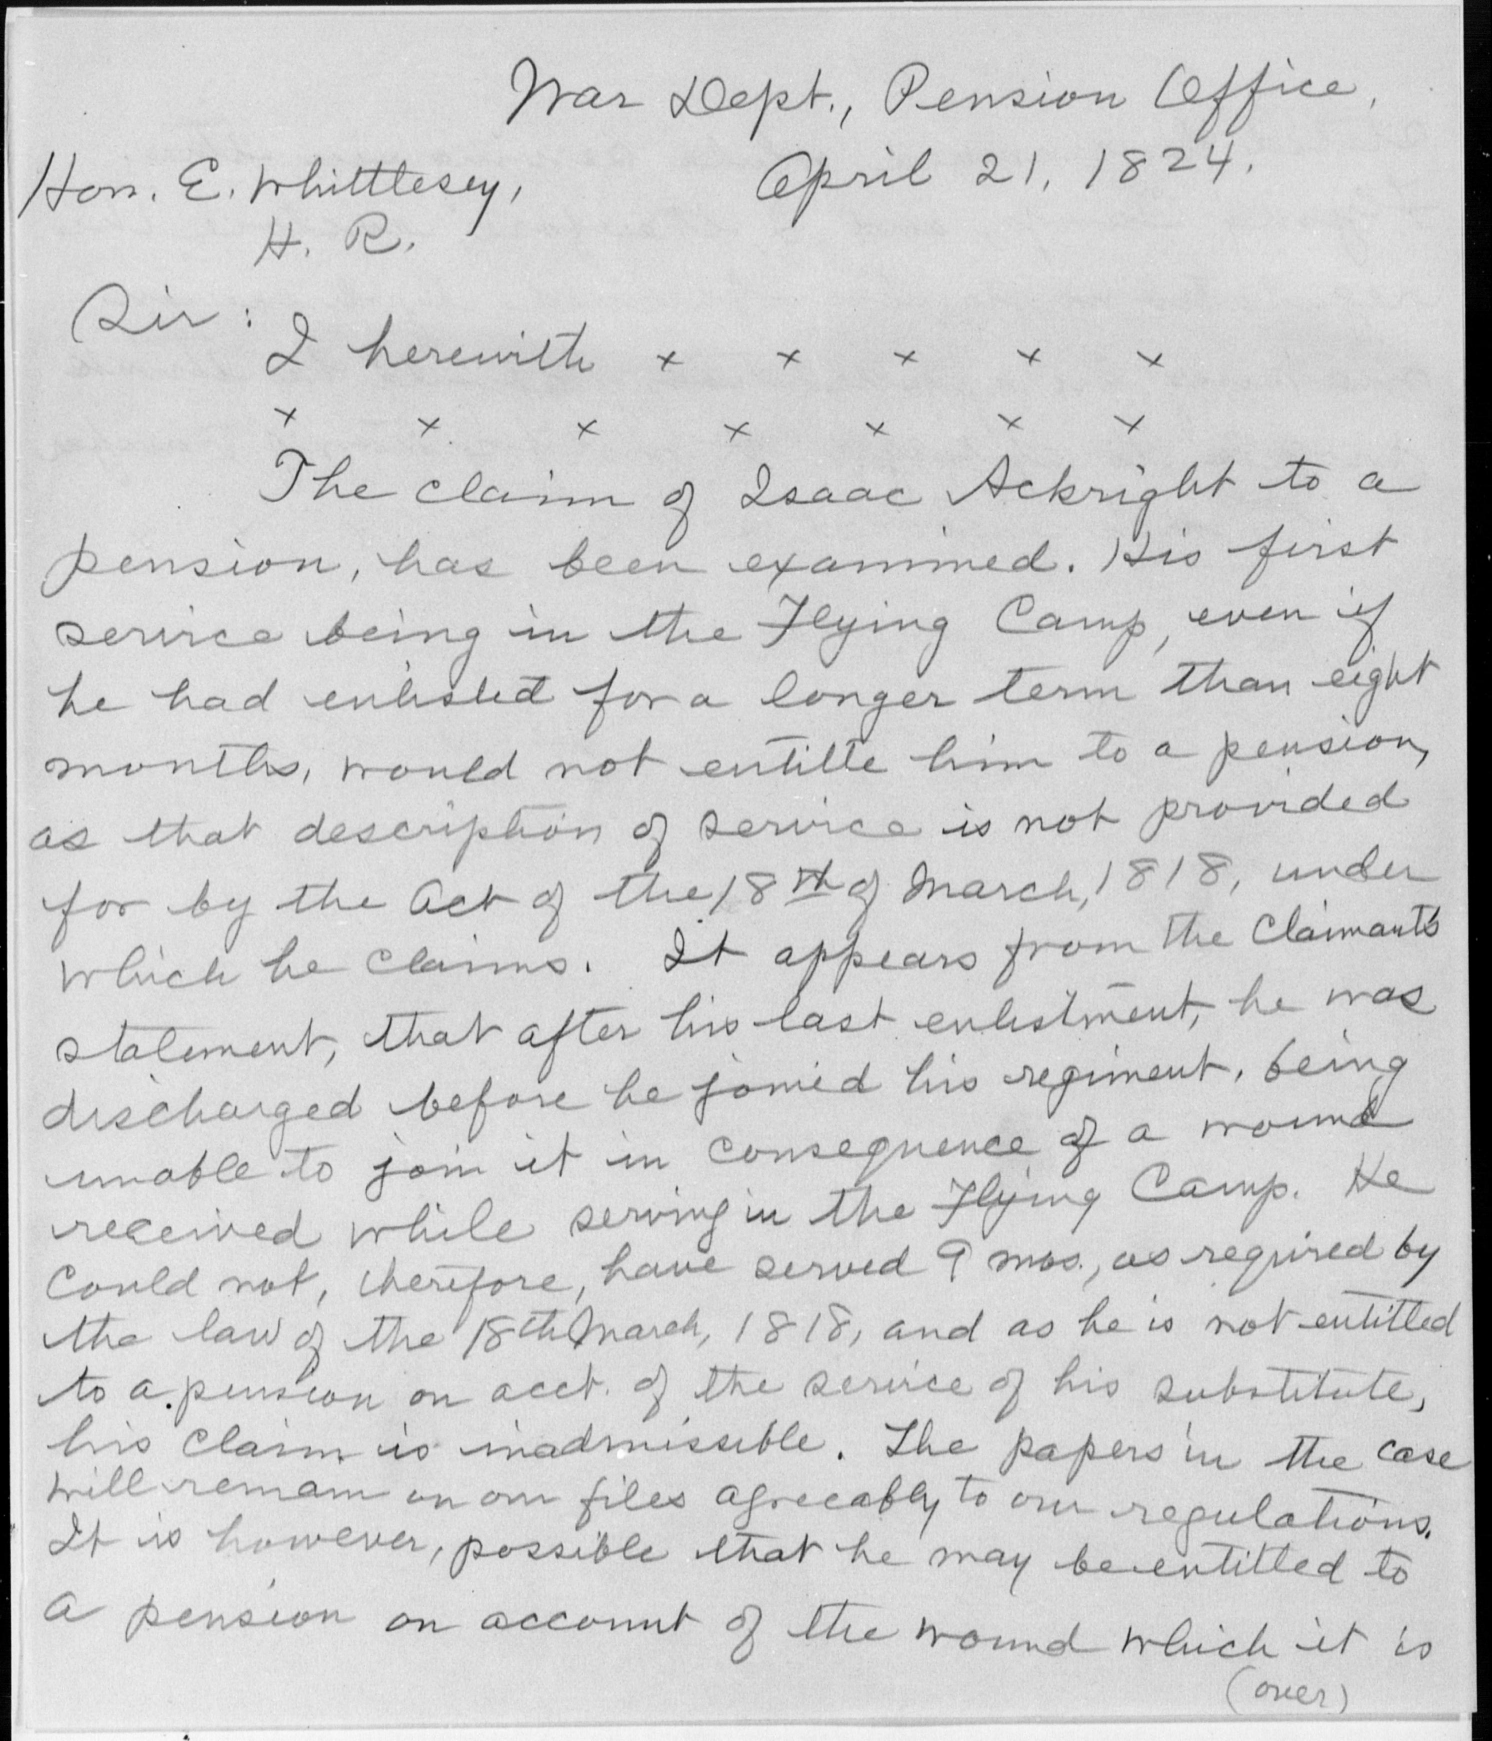War Dept, Pension Office
April 21, 1824

Hon. E. Whittlesey
H.R.

Sir

I herewith x x x x 
The claim of Isaac Ackright to a pension has been examined. is first service being in the Flying Camp even if he had enlisted for a longer term than eight months, would not entitle him to a pension as that description of service is not provided for by the act of the 18th of March 1818 under which he claims. It appears from the claimant's statement that after his last enlistment he was discharged before he joined his regiment, being unable to join it in consequence of a wound received while serving in the Flying Camp. He could not therefore have served 9 mos. as required by the law of the 18th of March 1818 and as he is not entitled to a pension on acct of the service of his substitute, his claim is inadmissible. The papers in the case will remain in our files agreeably to our regulations. It is, however, possible that he may be entitled to a pension on account of the wound which it is (over)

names: Isaac Ackright, E Whittlesey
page: 12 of 15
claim: rejected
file: R. 22, Isaac Ackright, Md.